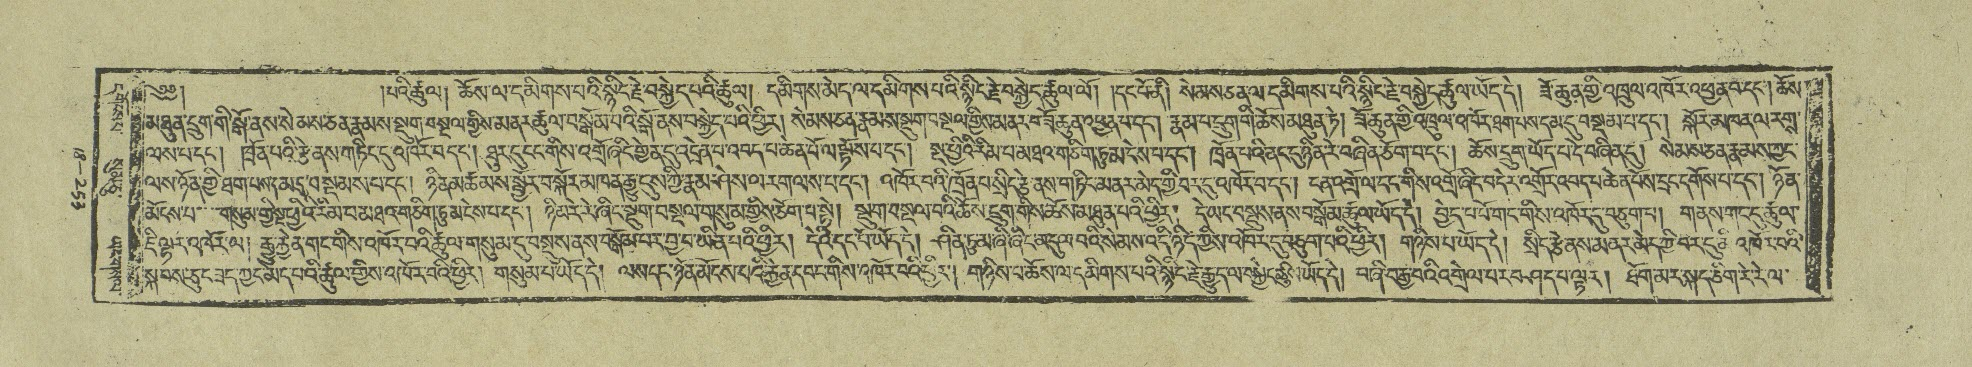༄༅། །པའི་ཚུལ། ཆོས་ལ་དམིགས་པའི་སྙིང་རྗེ་བསྐྱེད་པའི་ཚུལ། དམིགས་མེད་ལ་དམིགས་པའི་སྙིང་རྗེ་བསྐྱེད་ཚུལ་ལོ། །དང་པོ་ནི། སེམས་ཅན་ལ་དམིགས་པའི་སྙིང་རྗེ་བསྐྱེད་ཚུལ་ཡོད་དེ། ཟོ་ཆུན་གྱི་འཁྲུལ་འཁོར་འཕྱན་པ་དང་། ཆོས་
མཐུན་དྲུག་ག་སྒོ་ནས་སེམས་ཅན་རྣམས་སྡུག་བསྔལ་གྱིས་མནར་ཚུལ་བསྒོམ་པའི་སྒོ་ནས་བསྐྱེད་པའི་ཕྱིར། སེམས་ཅན་རྣམས་སྡུག་བསྔལ་གྱིས་མནར་བ་ཟོ་ཆུན་འཕྱན་པ་དང་། རྣམ་པ་དྲུག་གི་ཆེས་མཐུན་ཏེ། ཟོ་ཆུན་གྱི་འཁྲུལ་འཁོར་ཐག་པས་དམ་དུ་བསྡམ་པ་དང་། སྐོར་མཁན་ལ་རག་
ལས་པ་དང་། ཁྲོན་པའི་རྩེ་ནས་གཏིང་དུ་འཁོར་བ་དང་། ཐུར་དུ་ངང་གིས་འགྲོ་ཞིང་གྱེན་དུ་འདྲེན་པ་འབད་པ་ཆེན་པོ་ལ་ལྟོས་པ་དང་། སྔ་ཕྱིའི་རིམ་པ་མཐའ་གཅིག་ཏུ་མ་ངེས་པ་དང་། ཁྲོན་པའི་ནང་དུ་ཉིན་རེ་བཞིན་ཅོག་པ་དང་། ཆོས་དྲུག་ཡོད་པ་དེ་བཞིན་དུ། སེམས་ཅན་རྣམས་ཀྱང་
ལས་ཉོན་གྱི་ཐག་པས་དམ་ཅ་བསྡམས་པ་དང་། ཉིན་མཚམས་སྦྱོར་བ་སྐོར་མཁན་རྒྱུ་དུས་ཀྱི་རྣམ་ཤེས་ལ་རག་ལས་པ་དང་། འཁོར་བའི་ཁྲོན་པ་སྲིད་རྩེ་ནས་གཏིང་མནར་མེད་གྱི་བར་དུ་འཁོར་བ་དང་། ངན་འགྲོ་ལ་ངང་གིས་འགྲོ་ཞིང་བདེར་འགྲོང་འབད་པ་ཆེན་པོས་དྲང་དགོས་པ་དང་། ཉོན་
མོངས་པ་གསུམ་གྱི་སྔ་ཕྱིའི་རིམ་པ་མཐའ་གཅིག་ཏུ་མ་ངེས་པ་དང་། ཉི་མ་རེ་རེ་ཞིང་སྡུག་བསྔལ་གསུམ་གྱིས་ཅོག་པ་སྟེ། སྡུག་བསྔལ་བའི་ཆོས་དྲུག་གིས་ཆོས་མཐུན་པའི་ཕྱིར། དེ་ཡང་སྡུས་ནས་བསྒོམ་ཚུལ་ཡོད་དེ། བྱེད་པ་པོ་གང་གིས་འཁོར་དུ་བཅུག་པ། གནས་གང་དུ་ཚུལ་
ཇི་ལྟར་འཁོར་བ། རྒྱུ་རྐྱེན་གང་གིས་འཁོར་བའི་ཚུལ་གསུམ་དུ་བསྡུས་ནས་བསྒོམ་པར་བྱ་བ་ཡིན་པའི་ཕྱིར། དེའི་དང་པོ་ཡོད་དེ། ཤིན་ཏུ་མ་ཞི་ཞིང་མདུལ་བའི་སེམས་འདི་ཉིད་ཀྱིས་འཁོར་དུ་བཅུག་པའི་ཕྱིར། གཉིས་པ་ཡོད་དེ། སྲིད་རྩེ་ནས་མནར་མེད་ཀྱི་བར་དུ་མི་འཁོར་བའི་
སྐབས་ཅུང་ཟད་ཀྱང་མེད་པའི་ཚུལ་གྱིས་འཁོར་བའི་ཕྱིར། གསུམ་པ་ཡོད་དེ། ལས་དང་ཉོན་མོངས་པའི་རྐྱེན་དབང་གིས་འཁོར་བའི་ཕྱིར། གཉིས་པ་ཆོས་ལ་དམིགས་པའི་སྙིང་རྗེ་རྒྱུད་ལ་བསྐྱེད་ཚུལ་ཡོད་དེ། བཞི་བརྒྱ་བའི་འགྲེལ་པར་བཤད་པ་ལྟར། ཐོག་མར་སྐད་ཅིག་རེ་རེ་ལ་